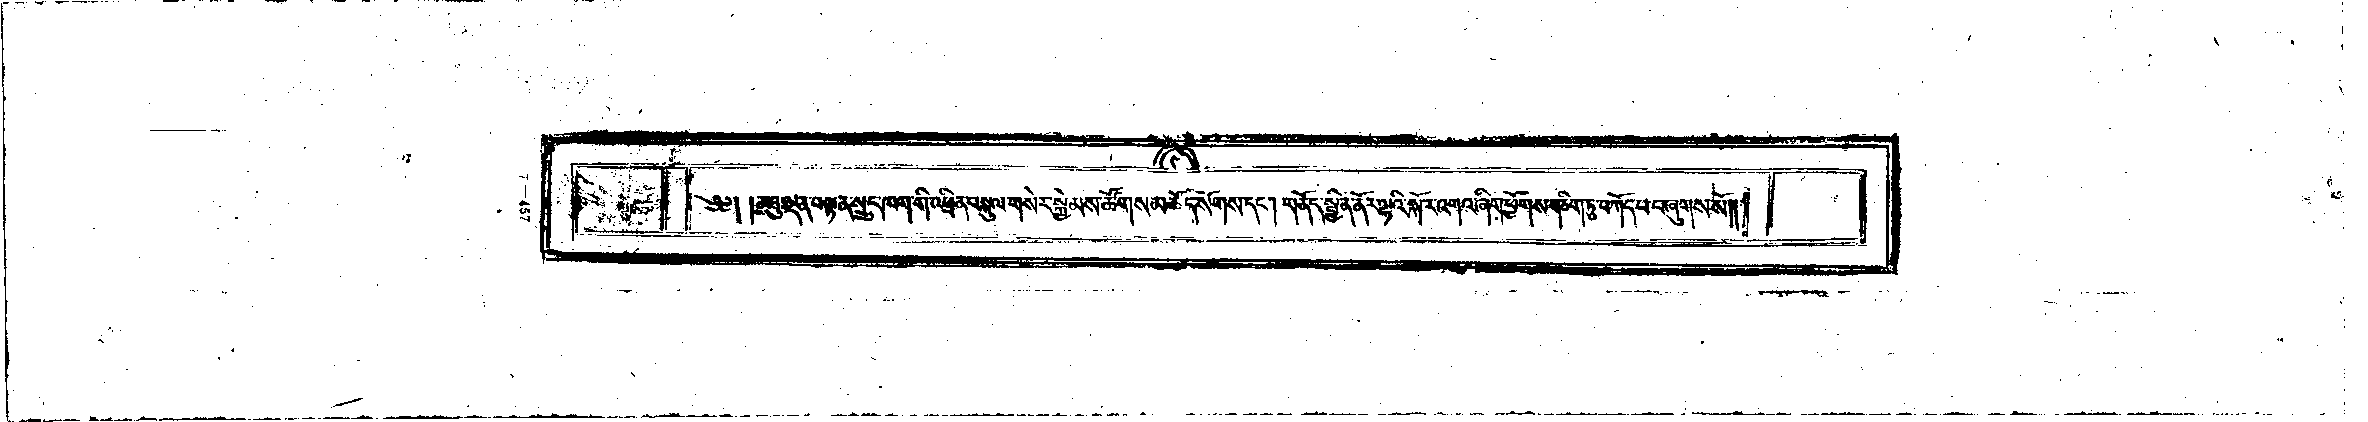༄༅། །མཐུ་ལྡན་བསྟན་སྲུང་ཁག་གི་འཕྲིན་བསྐུལ་གསེར་སྐྱེམས་ཚོགས་མཆོད་སོགས་དང་། གནོད་སྦྱིན་ནོར་ལྷའི་སྐོར་འགའ་ཞིག་ཕྱོགས་གཅིག་ཏུ་བཀོད་པ་བཞུགས་སོ། །